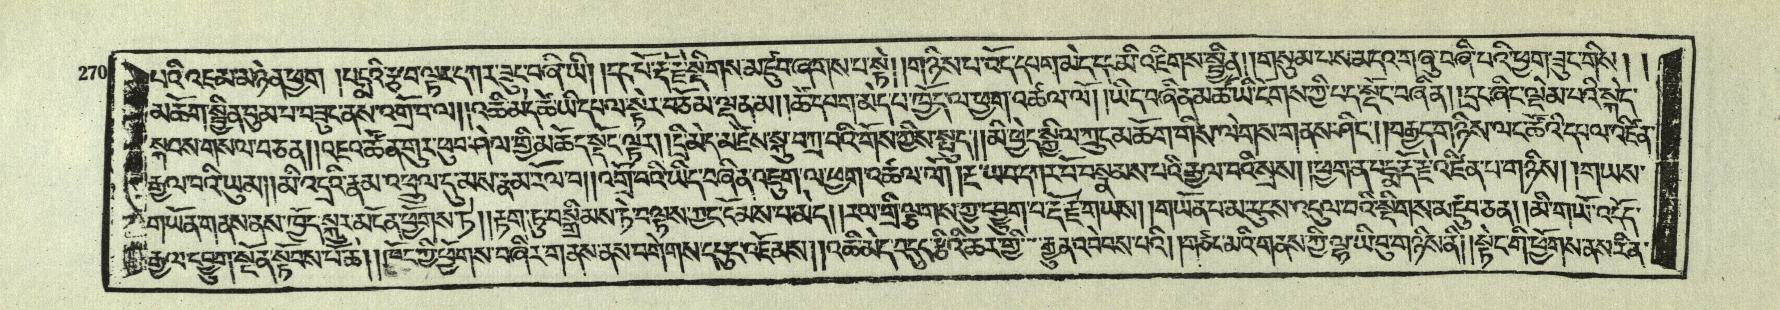པའི་འཇམ་མཉེན་ཕྱག །པདམའི་རྩ་བ་ལྟར་དཀར་ཟུང་བཞི་ཡི། །དང་པོ་རྡོ་རྗེ་སྡིགས་མཛུབ་ཞགས་པ་སྟེ། །གཉིས་པ་འོད་དཔག་མེད་དང་མི་འཇིགས་སྦྱིན། །གསུམ་པས་མདའ་གཞུ་བཞི་པའི་ཕྱག་ཟུང་གིས། །
མཆོག་སྦྱིན་བུམ་པ་བཟུང་ནས་འགྲོ་བ་ལ། །འཆི་མེད་ཚེ་ཡི་དཔལ་སྟེར་བཅོམ་ལྡན་མ། །ཚེ་དཔག་མེད་པ་ཁྱོད་ལ་ཕྱག་འཚལ་ལོ། །ཡིད་བཞིན་མཚོ་ཡི་དོགས་ཀྱི་པད་སྡོང་བཞིན། །དྲང་ཞིང་ལྡེམ་པའི་སྐེད་
སྐབས་གསལ་བ་ཅན། །འཇའ་ཚོན་གུར་ཕུབ་ཤེལ་གྱི་མཆོད་སྡོང་ལྟར། །དྲི་མེད་མཛེས་སྐུ་བཀྲ་བའི་གོས་ཀྱིས་སྤུད། །མི་ཕྱེད་སྐྱིལ་ཀྲུང་མཆོག་གིས་ལེགས་གནས་ཤིང་། །བརྒྱད་གཉིས་ལང་ཚོའི་དཔལ་འཛིན་
རྒྱལ་བའི་ཡུམ། །མི་འདྲའི་རྣམ་འཕྲུལ་དུ་མས་རྣམ་རོལ་བ། །འགྲོ་བའི་ཡིད་བཞིན་འཇུག་ལ་ཕྱག་འཚལ་ལོ། །རྔ་ཡབ་དཀར་བོ་བསྣམས་པའི་རྒྱལ་བའི་སྲས། །ཕྱག་ན་པདམ་རྡོ་རྗེ་འཛིན་པ་གཉིས། །གཡས་
གཡོན་གནས་ནས་ཁྱོད་སྐུར་མངོན་ཕྱོགས་ཏེ། །རྟག་ཏུ་བསྒྲིམས་ཏེ་བལྟས་ཀྱང་ངོམས་པ་མེད། །རལ་གྲི་ལྕགས་ཀྱུ་དབྱུག་པ་རྡོ་རྗེ་གཡས། །གཡོན་པ་མ་རུངས་འདུལ་བའི་སྡིགས་མཛུབ་ཅན། །མི་གཡོ་འདོད་
རྒྱལ་དབྱུག་སྔོན་སྟོབས་པོ་ཆེ། །ཁོང་ཀྱི་ཕྱོགས་བཞིར་གནས་ནས་བགེགས་དཔུང་འཇོམས། །འཆི་མེད་བདུད་རྩིའི་ཆར་གྱི་རྒྱུན་འབེབས་པའི། །གཙང་མའི་གནས་ཀྱི་ལྷ་ཡི་བུ་གཉིས་ནི། །སྟེང་གི་ཕྱོགས་ནས་རིན་